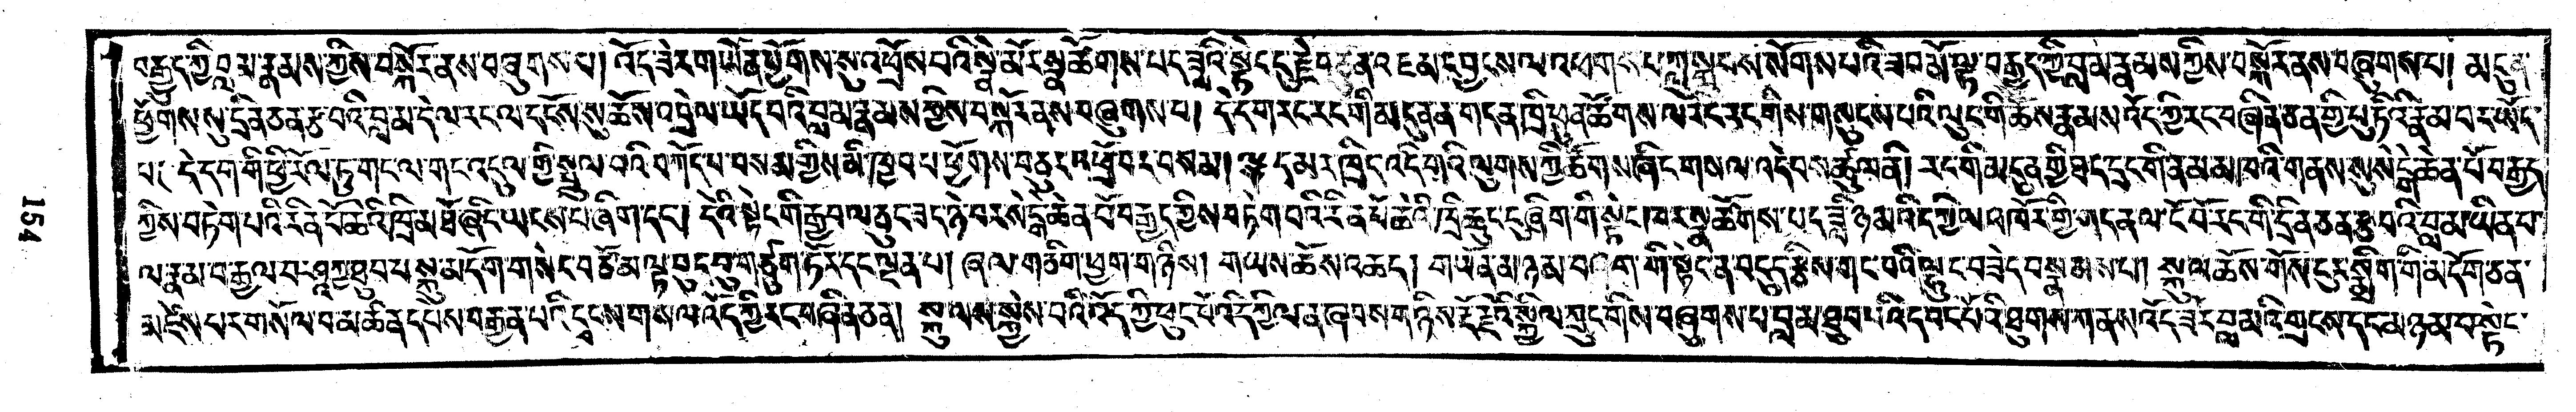བརྒྱུད་ཀྱི་བླ་མ་རྣམས་ཀྱིས་བསྐོར་ནས་བཞུགས་པ། འོད་ཟེར་གཡོན་ཕྱོགས་སུ་འཕྲོས་པའི་སྣེ་མོར་སྣ་ཚོགས་པད་ཟླའི་སྟེང་དུ་རྗེ་བཙུན་འཇམ་དབྱངས་ལ་འཕགས་པ་ཀླུ་སྒྲུབས་སོགས་པའི་ཟབ་མོ་ལྟ་བརྒྱུད་ཀྱི་བླ་མ་རྣམས་ཀྱིས་བསྐོར་ནས་བཞུགས་པ། མདུན་
ཕྱོགས་སུ་དྲིན་ཅན་རྩ་བའི་བླ་མ་དེ་ལ་རང་ལ་དངོས་སུ་ཆོས་འབྲེལ་ཡོད་བའི་བླ་མ་རྣམས་ཀྱིས་བསྐོར་ནས་བཞུགས་པ། དེ་དག་རང་རང་གི་མདུན་ན་གདན་ཁྲི་ཕུན་ཚོགས་ལ་རང་རང་གི་གསུངས་པའི་ལུང་གི་ཆོས་རྣམས་འོད་ཀྱི་རང་བཞིན་ཅན་གྱི་པུ་ཏིའི་རྣམ་པར་ཡོད་
པ༑ དེ་དག་གི་ཕྱི་རོལ་ཏུ་གང་ལ་གང་འདུལ་གྱི་སྤྲུལ་པའི་བཀོད་པ་བསམ་གྱིས་མི་ཁྱབ་པ་ཕྱོགས་བཅུར་འཕྲོ་བར་བསམ། ༈ དམར་ཁྲིད་འདི་གའི་ལུགས་ཀྱི་ཚོགས་ཞིང་གསལ་འདེབས་ཚུལ་ནི། རང་གི་མདུན་གྱི་ཐང་དྲང་གི་ནམ་མཁའི་གནས་སུ་སེངྒེ་ཆེན་པོ་བརྒྱད་
ཀྱིས་བཏེག་པའི་རིན་པོ་ཆེའི་ཁྲི་མཐོ་ཞིང་ཡངས་པ་ཞིག་དང་། དེའི་སྟེང་གི་རྒྱབ་ལ་ཅུང་ཟད་ཉེ་བར་སེངྒེ་ཆེན་པོ་བརྒྱད་ཀྱིས་བཏེག་པའི་རིན་པོ་ཆེའི་ཁྲི་ཆུང་ངུ་ཞིག་གི་སྟེང་ཁར་སྣ་ཚོགས་པད་ཟླ་ཉི་མའི་དཀྱིལ་འཁོར་གྱི་གདན་ལ་ངོ་བོ་རང་གི་དྲིན་ཅན་རྩ་བའི་བླ་མ་ཡིན་པ་
ལ་རྣམ་བ་རྒྱལ་བ་ཤཱཀྱ་ཐུབ་པ་སྐུ་མདོག་གསེང་བཙོམ་ལྟ་བུ་དབུ་གཙུག་ཏོར་དང་ལྡན་པ། ཞལ་གཅིག་ཕྱག་གཉིས། གཡས་ཆོས་འཆད། གཡོན་མཉམ་བཞག་གི་སྟེང་ན་བདུད་རྩིས་གང་བའི་ལྷུང་བཟེད་བསྣམས་པ། སྐུ་ལ་ཆོས་གོས་དུར་སྨྲིག་གི་མདོག་ཅན་
མཛེས་པར་གསོལ་བ་མཚན་དཔེས་བརྒྱན་པའི་དྭངས་གསལ་འོད་ཀྱི་རང་བཞིན་ཅན། སྐུ་ལས་སྐྱེས་བའི་འོད་ཀྱི་ཕུང་པོའི་དཀྱིལ་འཁོར་ན་ཞབས་གཉིས་རྡོ་རྗེའི་སྐྱིལ་ཀྲུང་གིས་བཞུགས་པ་བླ་མ་ཐུབ་པའི་དབང་པོའི་ཐུགས་ཀ་ནས་འོད་ཟེར་བླ་མའི་གྲངས་དང་མཉམ་པ་སྟེང་